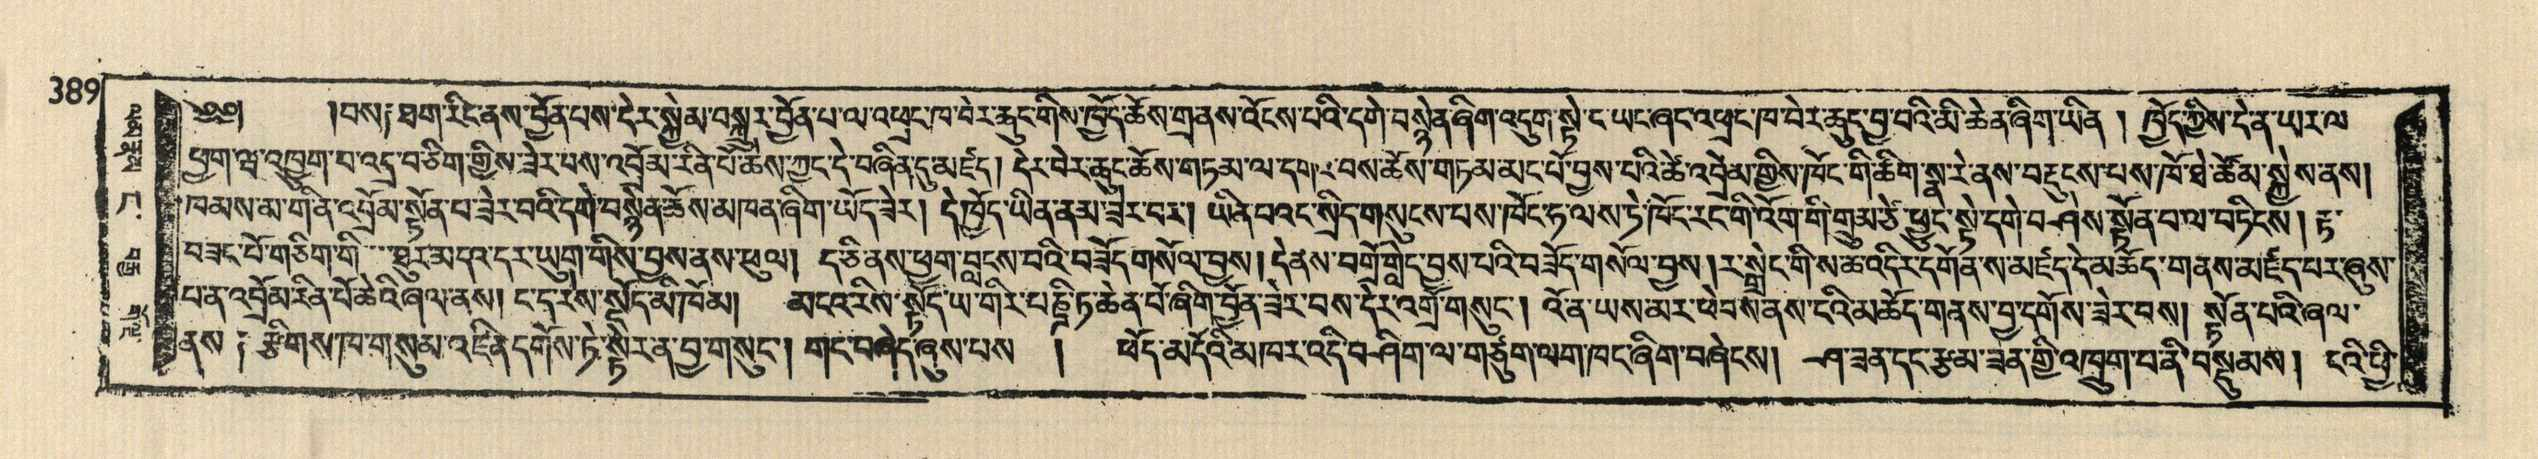༄༅། །བས༑ ཐག་རིང་ནས་བྱོན་པས་དེར་སྐྱེམ་བསྐྲུར་བྱོན་པ་ལ་འཕྲང་ཁ་བེར་ཆུང་གིས་ཁྱོད་ཆོས་གྲ་ནས་འོངས་པའི་དགེ་བསྙེན་ཞིག་འདུག་སྟེ་ང་ཡང་ཞང་འཕྲང་ཁ་བེར་ཆུད་བྱ་བའི་མི་ཆེན་ཞིག་ཡིན། ཁྱོད་ཀྱིས་དེ་ན་ཡར་ལ་
ཕྱག་ཝ་འཁྱུག་བ་འདྲ་བ་ཅིག་གྱིས་ཟེར་པས་འབྲོམ་རིན་པོ་ཆེས་ཀྱང་དེ་བཞིན་དུ་མཛད། དེར་བེར་ཆུང་ཆོས་གཏམ་ལ་དགའ་བས་ཆོས་གཏམ་མང་པོ་བྱས་པའི་ཚེ་འབྲེམ་གྱིས་ཁོང་གི་ཚིག་སྣ་རེ་ནས་བརྡུངས་པས་ཁོ་ཐེ་ཚོམ་སྐྱེས་ནས།
ཁམས་མ་གི་ན་འབྲོམ་སྟོན་པ་ཟེར་བའི་དགེ་བསྙེན་ཆོས་མཁན་ཞིག་ཡོད་ཟེར། དེ་ཁྱོད་ཡིན་ནམ་ཟེར་བར། ཡིན་བའང་སྲིད་གསུངས་པས་ཁོང་ཧ་ལས་ཏེ་ཁོང་རང་གི་འོག་གི་གྲུམ་ཙེ་ཕྱུང་སྟེ་དགེ་བཤེས་སྟོན་བ་ལ་བཏིངས། རྟ་
བཟང་པོ་གཅིག་གི་ཐུར་མདའ་དར་ཡུག་གིས་བྱས་ནས་ཕུལ། ད་ཅི་ནས་ཕྱག་བླངས་པའི་བཟོད་གསོལ་བྱས། དེ་ནས་བགྲོ་གླེང་བྱས་པའི་བཟོད་གསོལ་བྱས། ར་སྒྲེང་གི་ས་ཆ་འདིར་དགོན་ས་མཛད་དེ་མཆོད་གནས་མཛད་པར་ཞུས་
པ་ན་འབྲོམ་རིན་པོ་ཆེའི་ཞལ་ནས། ང་ད་རེས་སྡོད་མི་ཁོམ། མངའ་རིས་སྟོད་ཡ་གིར་པཎྜི་ཏ་ཆེན་པོ་ཞིག་བྱོན་ཟེར་བས་དེར་འགྲོ་གསུང་། འོ་ན་ཡས་མར་ཕེབས་ནས་ངའི་མཆོད་གནས་བྱ་དགོས་ཟེར་བས། སྟོན་པའི་ཞལ་
ནས༑ རྩིགས་ཁ་གསུམ་འཛིན་དགོས་ཏེ་སྟེར་ན་བྱ་གསུང་། གང་བཞེད་ཞུས་པས། ཕོད་མདོའི་མཁར་འདི་བཤིག་ལ་གཙུག་ལག་ཁང་ཞིག་བཞེངས། ཤ་ཟན་དང་རྩམ་ཟན་གྱི་འཁྲུག་བ་ནི་བསྡུམས། ངའི་ཕྱི་